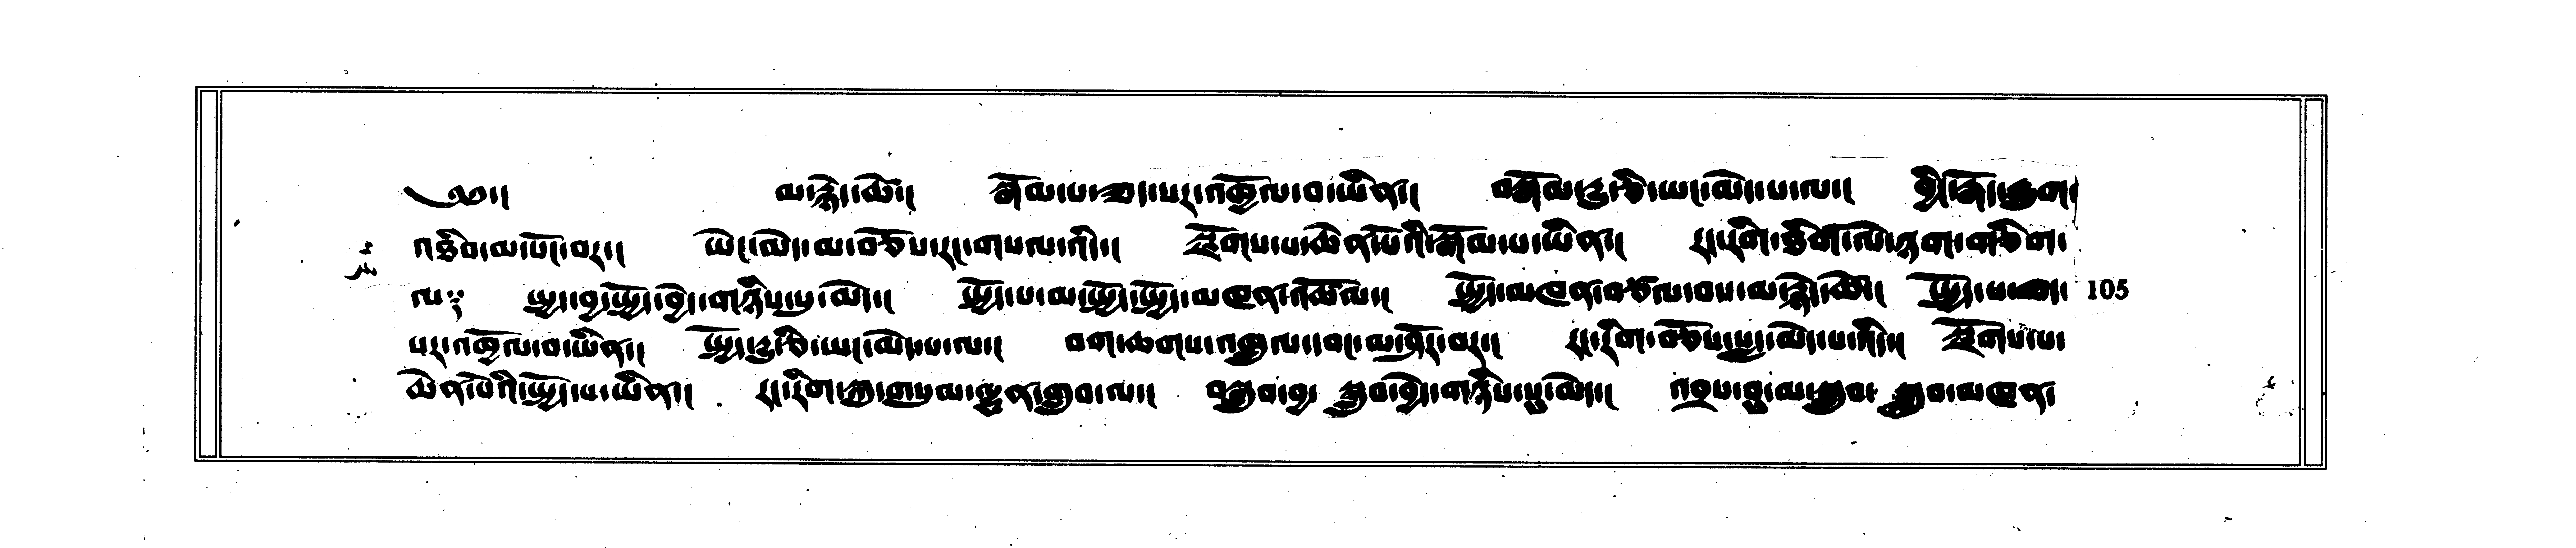མ་རྙེད་ཚེ། །སྒོམ་པ་ཟད་སར་འཁྱོལ་བ་ཡིན། །བསྒོམ་རྒྱུ་ཅི་ཡང་མེད་པ་ལ། །བྱིང་རྒོད་རྨུག་
འཐིབ་མ་སོང་བར། །ཡེང་མེད་མ་བཅོས་རང་གསལ་འདི། །རྫོགས་པ་ཆེན་པོའི་སྒོམ་པ་ཡིན། །རང་རིག་ཐིག་ལེ་ཉག་གཅིག་
ལ། །སྤྱད་བྱ་སྤྱོད་བྱེད་གཉིས་སུ་མེད། །སྤྱོད་པ་མ་སྤྱོད་སྤྱོད་མཁན་འཚོལ། །སྤྱོད་མཁན་བཙལ་བས་མ་རྙེད་ཚེ། །སྤྱོད་པ་ཟད་
སར་འཁྱོལ་བ་ཡིན། །སྤྱོད་རྒྱུ་ཅི་ཡང་མེད་པ་ལ། །བག་ཆགས་འཁྲུལ་དབང་མ་ཤོར་བར། །རང་རིག་བཅོས་སླད་མེད་པ་འདི། །རྫོགས་པ་
ཆེན་པོའི་སྤྱོད་པ་ཡིན། །རང་རིག་སྐུ་གསུམ་ལྷུན་གྲུབ་ལ། །བསྒྲུབ་བྱ་སྒྲུབ་བྱེད་གཉིས་སུ་མེད། །འབྲས་བུ་མ་གྲུབ་སྒྲུབ་མཁན་